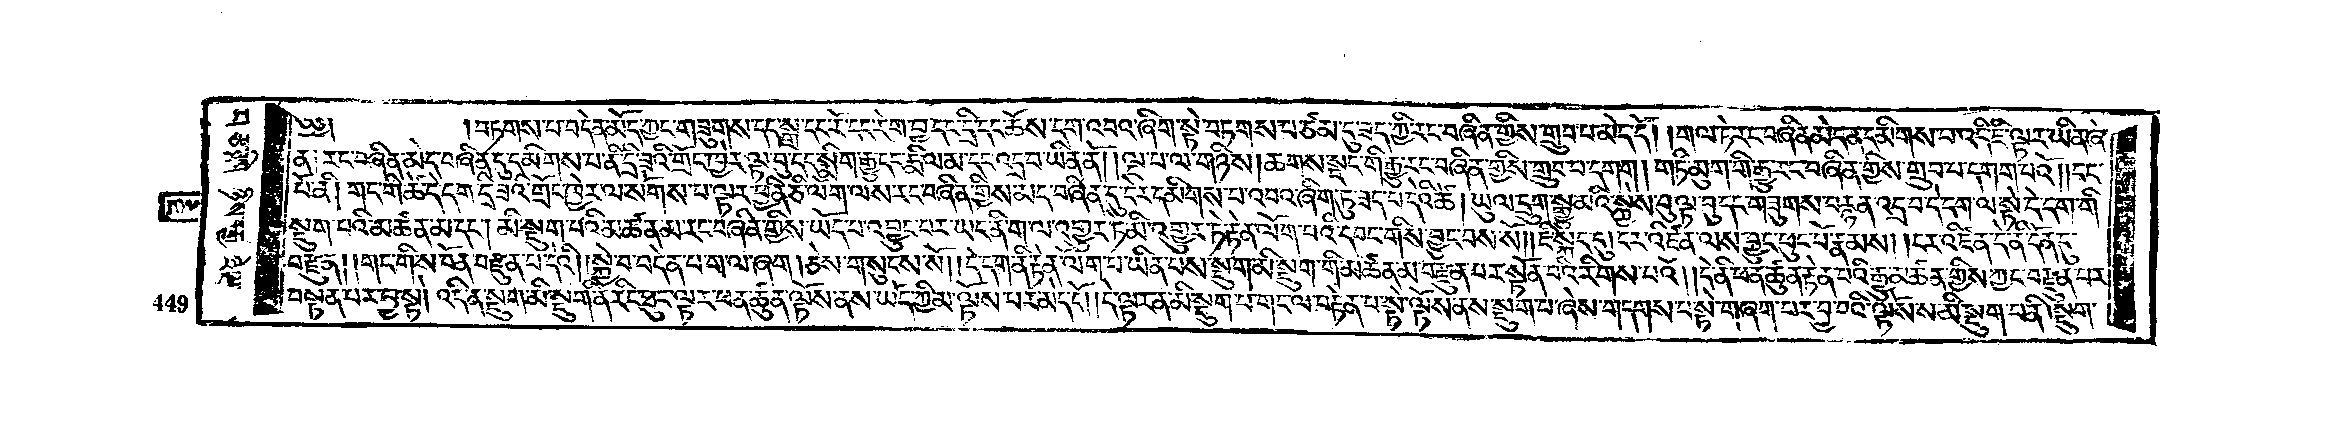༄༅། །བཏགས་པ་བདེན་མོད་ཀྱང་གཟུགས་དང་སྒྲ་དང་རོ་དང་རེག་བྱ་དང་དྲི་དང་ཆོས་དག་འབའ་ཞིག་སྟེ་བཏགས་པ་ཙམ་དུ་ཟད་ཀྱི་རང་བཞིན་གྱིས་གྲུབ་པ་མེད་དོ། །གལ་ཏེ་རང་བཞིན་མེད་ན་དམིགས་པ་འདི་ཇི་ལྟར་ཡིན་ཞེ་
ན༑ རང་བཞིན་མེད་བཞིན་དུ་དམིགས་པ་ནི་དྲི་ཟའི་གྲོང་ཁྱེར་ལྟ་བུ་དད་སྨིག་རྒྱུད་ང་རྨི་ལམ་དང་འདྲ་བ་ཟྱིན་ནོ། །ལྔ་པ་ལ་གཉིས། ཆགས་སྡང་གི་རྒྱུ་རང་བཞིན་གྱིས་གྲུབ་པ་དགག། གཏི་མུག་གི་རྒྱུ་རང་བཞིན་གྱིས་གྲུབ་པ་དགག་པའོ། །དང་
པོ་ནི། གང་གི་ཚེ་དེ་དག་དྲི་ཟའི་གྲོང་ཁྱེར་ལ་སོགས་པ་ལྟར་ཕྱིན་ཅི་ལོག་ལས་རང་བཞིན་གྱིས་མེད་བཞིན་དུ་དེར་དམིགས་པ་འབའ་ཞིག་ཏུ་ཟད་པ་དེའི་ཚེ། ཡུལ་དྲུག་སྒྱུ་མའི་སྐྱེས་བུ་ལྟ་བུ་དང་གཟུགས་བརྙན་འདྲ་བ་དེ་དག་ལ་སྟེ་དེ་དག་གི་
སྡུག་པའི་མཚན་མ་དང་། མི་སྡུག་པའི་མཆན་མ་རང་བཞིན་གྱིས་ཡོད་པ་འབྱུང་བར་ཡང་ནི་ག་ལ་འགྱུར་ཏེ་མི་འགྱུར་ཏེ་རྟེན་ལོག་པའི་དབང་གིས་བྱུང་བས་སོ། །ཇི་སྐད་དུ། །ངར་འཛིན་ལས་བྱུང་ཕུང་པོ་རྣམས། །དར་འཛིན་དེ་ནི་དོན་དུ་
བརྫུན། །གང་གི་ས་བོན་བརྫུན་པ་དེའི། །སྐྱེ་བ་བདེན་པ་ག་ལ་ཞིག། ཅེས་གསུངས་སོ། །དེ་དག་ནི་རྟེན་ལོག་པ་ཡིན་པས་སྡུག་མི་སྡུག་གི་མཚན་མ་བརྫུན་པར་སྟོན་པའི་རིགས་པའོ། །ད་ནི་ཕན་ཚུན་རྟེན་པའི་རྒྱུ་མཚན་གྱིས་ཀྱང་བརྫུན་པར་
བསྟན་པར་བྱ་སྟེ། འདི་ན་སྡུག་མི་སྡུག་ནི་རིང་ཐུང་ལྟར་ཕན་ཚུན་ལྟོས་ནས་ཡོད་ཀྱི་མ་ལྟོས་པར་མེད་དོ། །དེ་ལྟར་ན་མི་སྡུག་པ་གང་ལ་བརྟེན་པ་སྟེ་ལྟོས་ནས་སྡུག་པ་ཞེས་གདགས་པ་སྟེ་གཞག་པར་བྱ་བའི་ལྟོས་ས་མི་སྡུག་པ་ནི། སྡུག་